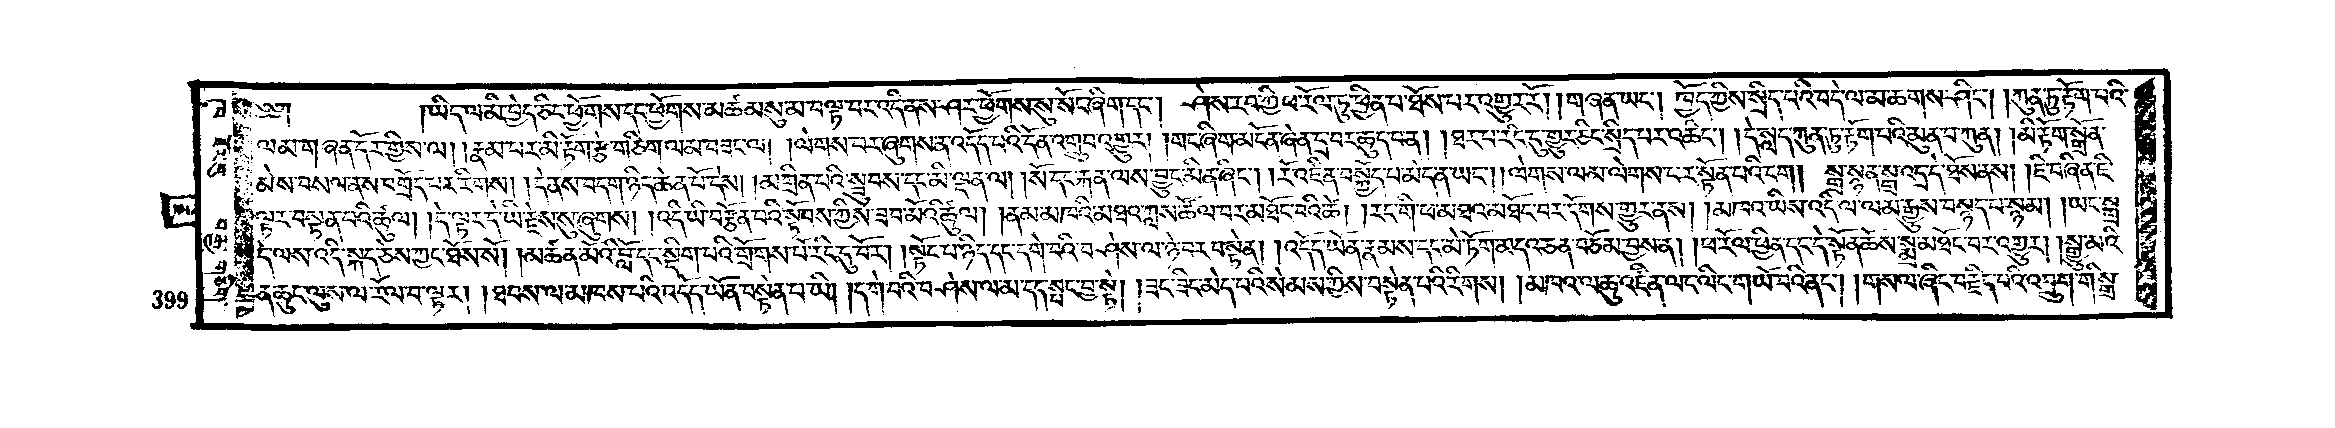༄༅། །ཡིད་ལ་མི་བྱེད་ཅིང་ཕྱོགས་དང་ཕྱོགས་མཚམས་སུ་མ་བལྟ་བར་འདི་ནས་ཤར་ཕྱོགས་སུ་སོང་ཞིག་དང་། ཤེས་རབ་ཀྱི་ཕ་རོལ་ཏུ་ཕྱིན་པ་ཐོས་པར་འགྱུར་རོ། །གཞན་ཡང་། ཁྱོད་ཀྱིས་སྲིད་པའི་བདེ་ལ་མ་ཆགས་ཤིང་། །ཀུན་ཏུ་རྟོག་པའི་
ལམ་གཞན་དོར་གྱིས་ལ། །རྣམ་པར་མི་རྟོག་རྩེ་གཅིག་ལམ་བཟང་ལ། །ལེགས་པར་ཞུགས་ན་འདོད་པའི་དོན་འགྲུབ་འགྱུར། །གང་ཞིག་མངོན་ཞེན་དྲ་བར་ཆུད་པ་ན། །ཐར་པ་རིང་དུ་གྱུར་ཅིང་སྲིད་པར་འཆིང་། །དེ་སླད་ཀུན་ཏུ་རྟོག་པའི་མུན་པ་ཀུན། །མི་རྟོག་སྒྲོན་
མེས་བསལ་ནས་བགྲོད་པར་རིགས། །དེ་ནས་བདག་ཉིད་ཆེན་པོ་དེས། །མགྲིན་པའི་སྦུབས་དང་མི་ལྡན་ལ། །སོ་དང་རྐན་ལས་བྱུང་མིན་ཞིང་། །རོ་འཛིན་བསྐྱོད་པ་མེད་ན་ཡང་། །ལེགས་ལམ་ལེགས་པར་སྟོན་པའི་ངག། སྒྲ་སྙན་སྒྲ་འདྲ་དེ་ཐོས་ནས། །ཇི་བཞིན་ཇི་
ལྟར་བསྟན་པའི་ཚུལ། །དེ་ལྟར་དེ་ཡི་རྗེས་སུ་ཞུགས། །འདི་ཡི་བརྩོན་པའི་སྟོབས་ཀྱིས་ཟབ་མོའི་ཚུལ། །ནམ་མཁའི་མཐའ་ཀླས་ཚོལ་བར་མཐོང་བའི་ཚེ། །རང་གི་ཕ་མཐའ་མཐོང་བར་དོགས་གྱུར་ནས། །མཁའ་ཡིས་འདི་ལ་ལམ་རྒྱུས་བསྙད་པ་སྙམ། །ཡང་སྒྲ་
དེ་ལས་འདི་སྐད་ཅེས་ཀྱང་ཐོས་སོ། །མཚན་མོའི་བློ་དང་སྡིག་པའི་གྲོགས་པོ་རིང་དུ་བོར། །སྟོང་པ་ཉིད་དང་དགེ་བའི་བཤེས་ལ་ཉེ་བར་བསྟེན། །འདོད་ཡོན་རྣམས་དང་མེ་ཏོག་མདའ་ཅན་བཅོམ་བྱས་ན། །ཕ་རོལ་ཕྱིན་དང་དེ་སྟོན་ཆོས་སྨྲ་མཐོང་བར་འགྱུར། །སྒྱུ་མའི་
ན་ཆུང་ལུས་ལ་རོལ་བ་ལྟར། །ཐབས་ལ་མཁས་པའི་འདོད་ཡོན་བསྟེན་པ་ཡི། །དགེ་བའི་བཤེས་ལ་མ་དད་སྤང་བྱ་སྟེ། །ཟང་ཟིང་མེད་པའི་སེམས་ཀྱིས་བསྟེན་པའི་རིགས། །མཁའ་ལ་ཆུ་འཛིན་ལང་ལིང་གཡོ་བའི་ནང་། །གསལ་ཞིང་བརྗིད་པའི་འབྲུག་གི་སྒྲ་